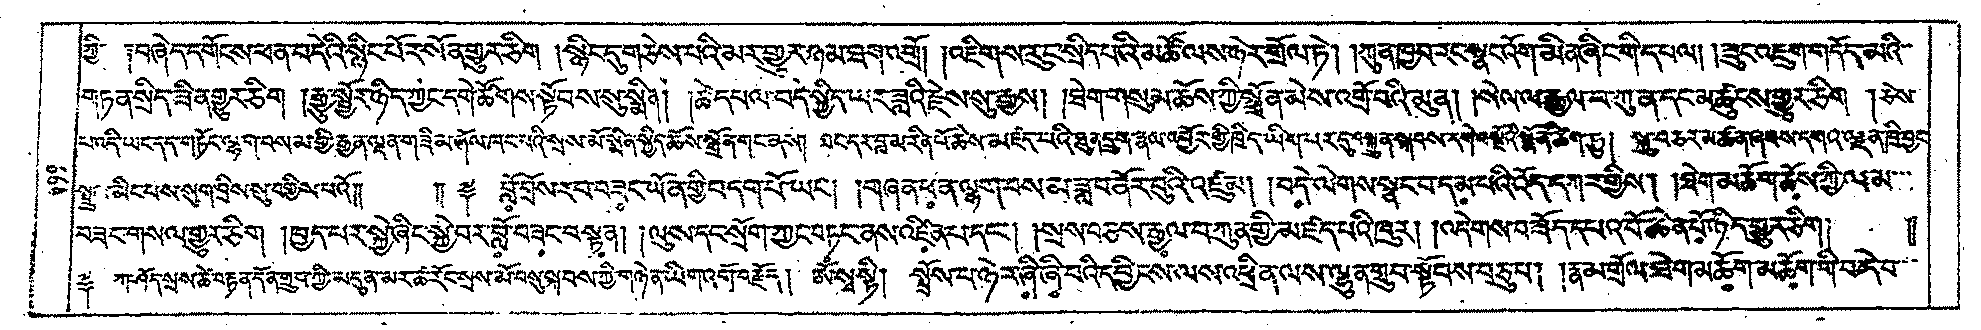ཀྱི༑ ༑བཞེད་དགོངས་ཕན་བདེའི་སྙིང་པོར་སོན་གྱུར་ཅིག །སྙིང་དུ་གཅེས་པའི་མར་གྱུར་ཉམ་ཐག་འགྲོ། །འཇིགས་རུང་སྲིད་པའི་མཚོ་ལས་ཉེར་གྲོལ་ཏེ། །ཀུན་ཁྱབ་རང་སྣང་འོག་མིན་ཞིང་གི་དཔལ། །ཟུང་འཇུག་གདོད་མའི་
གཏན་སྲིད་ཟིན་གྱུར་ཅིག །རྒྱུ་སྦྱོར་ཉིད་ཀྱང་དགེ་ཚོགས་སྟོབས་སུ་སྨིན། །ཚེ་དཔལ་བདེ་སྐྱིད་ཡར་ཟླའི་རྗེས་སུ་རྒྱས། །ཐེག་གསུམ་ཆོས་ཀྱི་སྒྲོན་མེས་འགྲོ་བའི་མུན། །སེལ་ལ་རྒྱལ་བ་ཀུན་དང་མཚུངས་གྱུར་ཅིག །ཅེས་
པ་འདི་ཡང་དད་གཏོང་ལྷག་བསམ་གྱི་རྒྱན་ལྡན་གཟིམ་ཞོལ་ཁང་པའི་སྲས་མོ་སྨིན་སྐྱིད་ཆོས་སྒྲོན་གང་ནས། ཐང་དར་བླ་མ་རིན་པོ་ཆེས་མཛད་པའི་ཐུན་དྲུག་རྣལ་འབྱོར་གྱི་ཁྲིད་ཡིག་པར་དུ་བསྐྲུན་སྐབས་དགེ་བསྔོའི་སྨོན་ཚིག་ཏུ། སྐུ་བཅར་མཚན་ཞབས་དགའ་ལྡན་ཁྲི་བྱང་
སྤྲུལ་མིང་པས་སུག་བྲིས་སུ་བགྱིས་པའོ།། །། ༈ བློ྾་གྲོས་རབ་བཟང྾་ཡོན་གྱི་བདག་པོ་ཡང་། །གཞན་ཕན྾་ལྷག་བསམ་ཟླ་བ་ནོར་བུའི་འཛུམ། །བདེ྾་ལེགས་སྣང་བ་དམ྾་པའི་འོད་དཀར་གྱིས། །ཐེག་མཆོག་ཆོས྾་ཀྱི་ལམ་
བཟང་གསལ་གྱུར་ཅིག །ཁྱད་པར་སྐྱེ་ཞིང་སྐྱེ་བར་བློ྾་བཟང྾་བསྟན྾། །ལུས་དང་སྲོག་ཀྱང་བཏང་ནས་འཛིན྾་པ་དང་། །སྲས་བཅས་རྒྱལ྾་བ་ཀུན་གྱི་མཛད་པའི་ཁུར། །འདེགས་བཟོད་དཔའ་བོ་ཆེན་པོ྾་ཉིད་གྱུར་ཅིག ། །།
༈ ཀ་ཤོད་སྲས་ཚེ་བརྟན་དོན་གྲུབ་ཀྱི་མདུན་མར་ཚ་རོང་སྲས་མོ་བསུ་སྐབས་ཀྱི་གཉེན་ཡིག་འགོ་བརྗོད།  ཨོཾ་སྭ་སྟི། སྤྲོས་པ་ཉེར་ཞི྾་ཞི྾་བའི་དབྱིངས་ལས་འཕྲིན་ལས་ལྷུན་གྲུབ་སྟོབས་བཅུ་པ། །རྣམ་གྲོལ་ཐེག་མཆོག྾་མཆོག྾་གི་བདེ་བ་